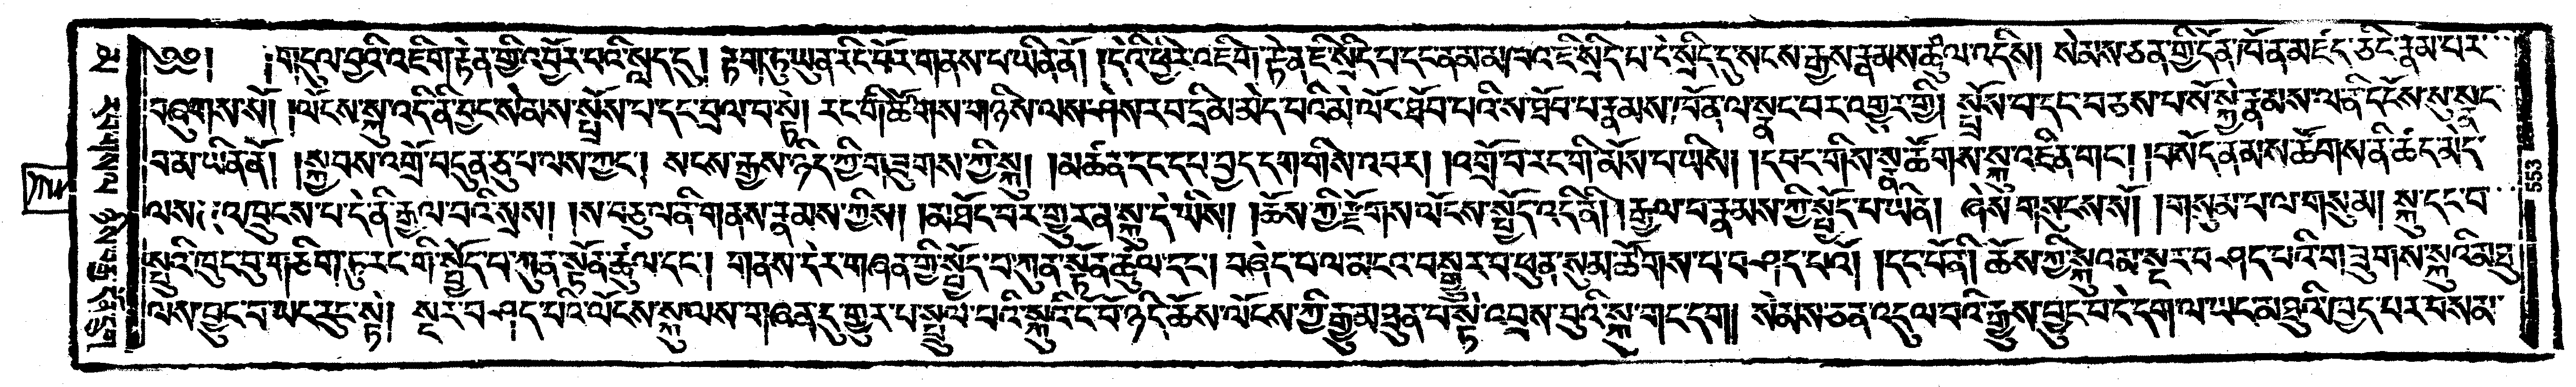༄༅། །གདུལ་བྱའི་འཇིག་རྟེན་གྱི་འབྱོར་བའི་སླད་དུ། རྟག་ཏུ་ཡུན་རིང་པོར་གནས་པ་ཡིན་ནོ། །དེའི་ཕྱིར་འཇིག་རྟེན་ཇི་སྲིད་པ་དང་ནམ་མཁའ་ཇི་སྲིད་པ་དེ་སྲིད་དུ་སངས་རྒྱས་རྣམས་ཚུལ་འདིས། སེམས་ཅན་གྱི་དོན་ཁོ་ན་མཛད་ཅིང་རྣམ་པར་
བཞུགས་སོ། །ལོངས་སྐུ་འདི་ནི་བྱང་སེམས་སྤྲོས་པ་དང་བྲལ་བ་སྟེ། རང་གི་ཚོགས་གཉིས་ལས་ཤེས་རབ་དྲི་མ་མེད་པའི་མེ་ལོང་ཐོབ་པའི་ས་ཐོབ་པ་རྣམས་ཁོ་ན་ལ་སྣང་བར་འགྱུར་གྱི། སྤྲོས་པ་དང་བཅས་པ་སོ་སྐྱེ་རྣམས་ལ་ནི་དངོས་སུ་སྣང་
བ་མ་ཡིན་ནོ། །སྐྱབས་འགྲོ་བདུན་ཅུ་པ་ལས་ཀྱང་། སངས་རྒྱས་ཉིད་ཀྱི་གཟུགས་ཀྱི་སྐུ། །མཚན་དང་དཔེ་བྱད་དག་གིས་འབར། །འགྲོ་བ་རང་གི་མོས་པ་ཡིས། །དབང་གིས་སྣ་ཚོགས་སྐུ་འཛིན་གང་། །བསོད་ནམས་ཚོགས་ནི་ཚད་མེད་
ལས༑ ༑འཁྲུངས་པ་དེ་ནི་རྒྱལ་བའི་སྲས། །ས་བཅུ་ལ་ནི་གནས་རྣམས་ཀྱིས། །མཐོང་བར་གྱུར་ན་སྐུ་དེ་ཡིས། །ཆོས་ཀྱི་རྫོགས་ལོངས་སྤྱོད་འདི་ནི། །རྒྱལ་བ་རྣམས་ཀྱི་སྤྱོད་པ་ཡིན། ཞེས་གསུངས་སོ། །གསུམ་པ་ལ་གསུམ། སྐུ་དང་བ་
སྤུའི་ཁུང་བུ་གཅིག་ཏུ་རང་གི་སྤྱོད་པ་ཀུན་སྟོན་ཚུལ་དང་། གནས་དེར་གཞན་གྱི་སྤྱོད་པ་ཀུན་སྟོན་ཚུལ་དང་། བཞེད་པ་ལ་མངའ་བསྒྱུར་བ་ཕུན་སུམ་ཚོགས་པ་བཤད་པའོ། །དང་པོ་ན། ཆོས་ཀྱི་སྐུ་འམ་སྔར་བཤད་པའི་གཟུགས་སྐུའི་མཐུ་
ལས་བྱུང་བ་ཡང་རུང་སྟེ། སྔར་བཤད་པའི་ལོངས་སྐུ་ལས་གཞན་དུ་གྱུར་པ་སྤྲུལ་པའི་སྐུའི་ངོ་བོ་ཉིད་ཆོས་ལོངས་ཀྱི་རྒྱུ་མཐུན་པ་སྟེ་འབྲས་བུའི་སྐུ་གང་དག། སེམས་ཅན་འདུལ་བའི་རྒྱུས་བྱུང་བ་དེ་དག་ལ་ཡང་མཐུའི་ཁྱད་པར་བསམ་